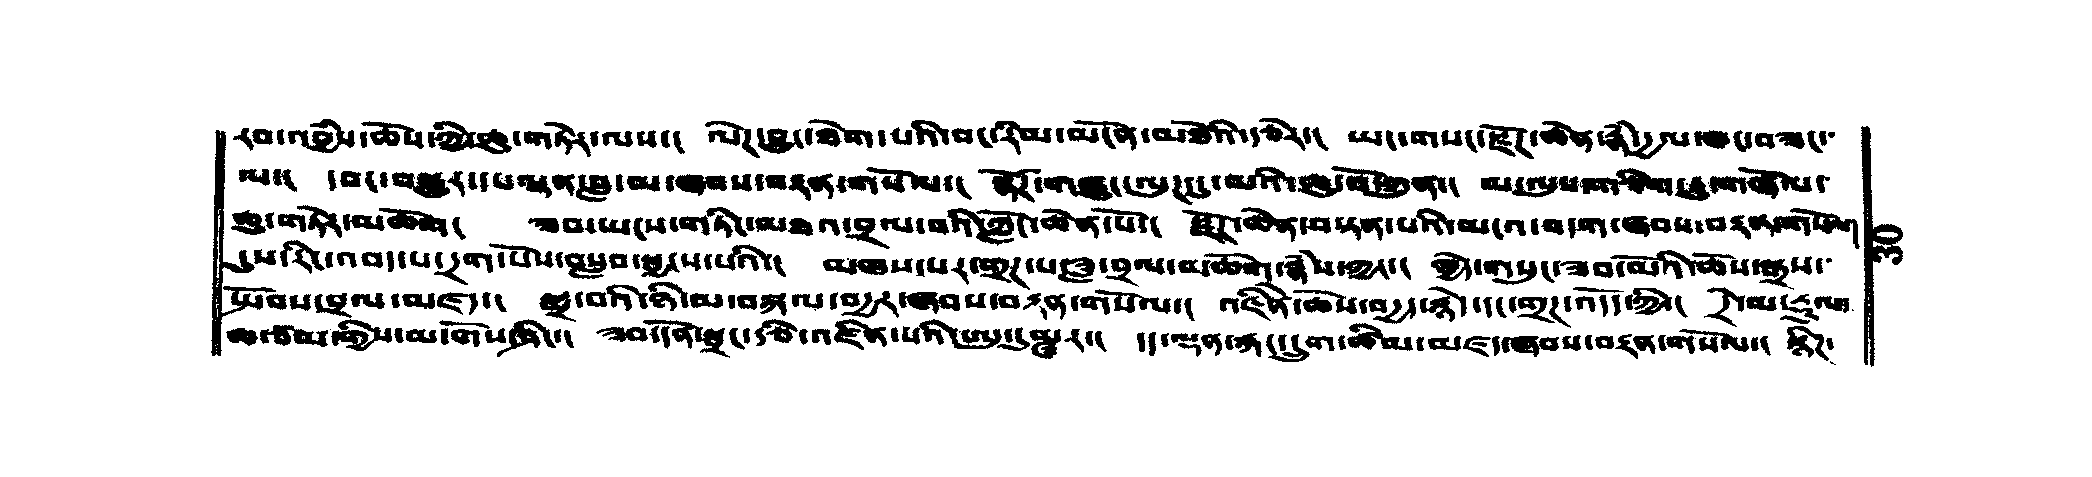རབ་འབྱམས་ཆོས་ཀྱི་ཆུ་གཏེར་ལས། །ལེགས་བྱུང་ཐེག་པའི་བང་རིམ་མངོན་མཐོའི་རྩེར། །ཡང་གསང་རྫོགས་ཆེན་རྣམ་རྒྱལ་ཁང་བཟང་
ལ། །དབང་བསྐུར་དཔལ་ལྡན་བླ་མ་ཞབས་བརྟན་གསོལ། །སྣ་ཚོགས་གཞུང་ལུགས་དུ་མའི་ཆུ་བོ་ཀུན། །མ་ལུས་གཅིག་ཏུ་གཞོལ་
བའི་ཆུ་གཏེར་མཆོག །ཟབ་ཡངས་གཏིང་མཐའ་བྲལ་བའི་ཀློང་ཆེན་པོ། །རྫོགས་ཆེན་བསྟན་པའི་མངའ་བདག་ཞབས་བརྟན་གསོལ། །
དུས་རིང་འབད་པ་དྲག་པོས་བསླབ་སྦྱངས་པའི། །མཁས་པར་གྲགས་པ་ཟླ་བྲལ་མཆོག་རྣམས་ཀྱང་། །ཁྱེད་གསུང་ཟབ་མོའི་ཆོས་སྒྲས་
སྤོབས་བྲལ་མཛད། །སྨྲ་བའི་ཉི་མ་བསྐལ་བརྒྱར་ཞབས་བརྟན་གསོལ། །འཇིག་རྟེན་ཆོས་བརྒྱད་རྙེད་དང་གྲགས་འདོད་ཀྱི། །དྲི་མ་རྡུལ་
ཆ་ཙམ་གྱིས་མ་གོས་ཤིང་། །ཟབ་དོན་སྦྲང་རྩི་འཛིན་པའི་ཨུ་དུམ་ཝར། །དད་ལྡན་རྐང་དྲུག་ཚིམ་མཛད་ཞབས་བརྟན་གསོལ། །སྙིགས་